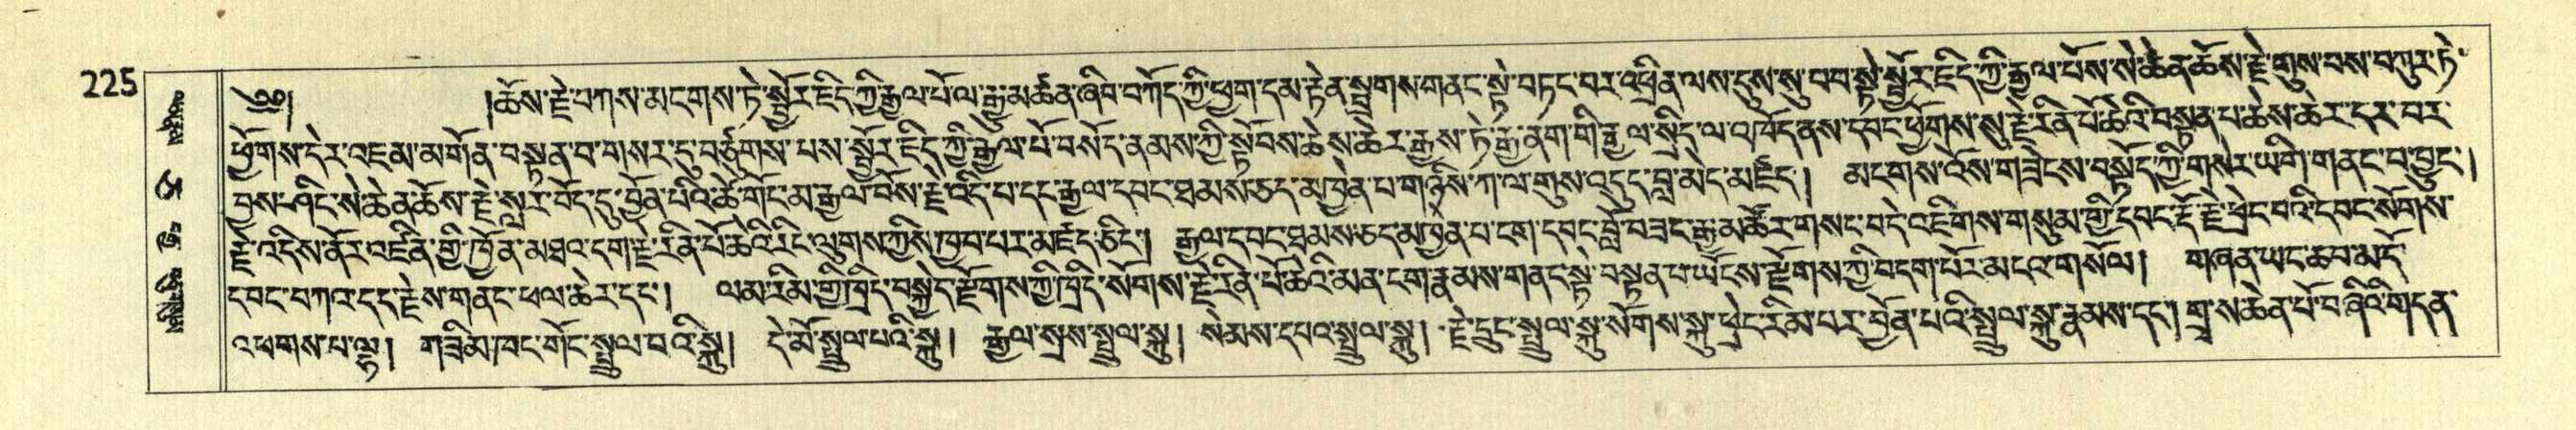༄༅། །ཆོས་རྗེ་བཀས་མངགས་ཏེ་སྦྱོར་ཇིད་ཀྱི་རྒྱལ་པོ་ལ་རྒྱུ་མཚན་ཞིབ་བཀོད་ཀྱི་ཕྱག་དམ་རྟེན་སྦྲགས་གནང་སྟེ་བཏང་བར་འཕྲིན་ལས་དུས་སུ་བབ་སྟེ་སྦྱོར་ཇིད་ཀྱི་རྒྱལ་པོས་སེ་ཆེན་ཆོས་རྗེ་གུས་བས་བཀུར་ཏེ་
ཕྱོགས་དེར་འཇམ་མགོན་བསྟན་པ་གསར་དུ་བཙུགས་པས་སྦྱོར་ཇིད་ཀྱི་རྒྱལ་པོ་བསོད་ནམས་ཀྱི་སྟོབས་ཆེས་ཆེར་རྒྱས་ཏེ་རྒྱ་ནག་གི་རྒྱལ་སྲིད་ལ་འཁོད་ནས་དབང་ཕྱོགས་སུ་རྗེ་རིན་པོ་ཆེའི་བསྟན་པ་ཆེས་ཆེར་དར་བར་
བྱས་ཤིང་སེ་ཆེན་ཆོས་རྗེ་སླར་བོད་དུ་བྱོན་པའི་ཚེ་གོང་མ་རྒྱལ་བོས་རྗེ་འདི་པ་དང་རྒྱལ་དབང་ཐམས་ཅད་མཁྱེན་པ་གཉིས་ཀ་ལ་གུས་འདུད་བླ་མེད་མཛད། མངགས་འོས་གཟེངས་བསྟོད་ཀྱི་གསེར་ཡིག་གནང་བ་བྱུང་།
རྗེ་འདིས་ནོར་འཛིན་གྱི་ཁྱོན་མཐའ་དག་རྗེ་རིན་པོ་ཆེའི་རིང་ལུགས་ཀྱིས་ཁྱབ་པར་མཛད་ཅིང་། རྒྱལ་དབང་ཐམས་ཅད་མཁྱེན་པ་ངག་དབང་བློ་བཟང་རྒྱ་མཚོར་གསང་བ་དེ་འཇིགས་གསུམ་གྱི་དབང་རྡོ་རྗེ་ཕྲེང་བའི་དབང་སོགས་
དབང་བཀའ་དང་རྗེས་གནང་ཕལ་ཆེར་དང་། ལམ་རིམ་གྱི་ཁྲིད་བསྐྱེད་རྫོགས་ཀྱི་ཁྲིད་སོགས་རྗེ་རིན་པོ་ཆེའི་མན་ངག་རྣམས་གནང་སྟེ་བསྟན་པ་ཡོངས་རྫོགས་ཀྱི་བདག་པོར་མངའ་གསོལ། གཞན་ཡང་ཆབ་མདོ་
འཕགས་པ་ལྷ། གཟིམ་ཁང་གོང་སྤྲུལ་བའི་སྐུ། དེ་མོ་སྤྲུལ་པའི་སྐུ། རྒྱལ་སྲས་སྤྲུལ་སྐུ། སེམས་དཔའ་སྤྲུལ་སྐུ། རྗེ་དྲུང་སྤྲུལ་སྐུ་སོགས་སྐུ་ཕྲེང་རིམ་པར་བྱོན་པའི་སྤྲུལ་སྐུ་རྣམས་དང་། གྲྭ་ས་ཆེན་པོ་བཞིའི་གདན་